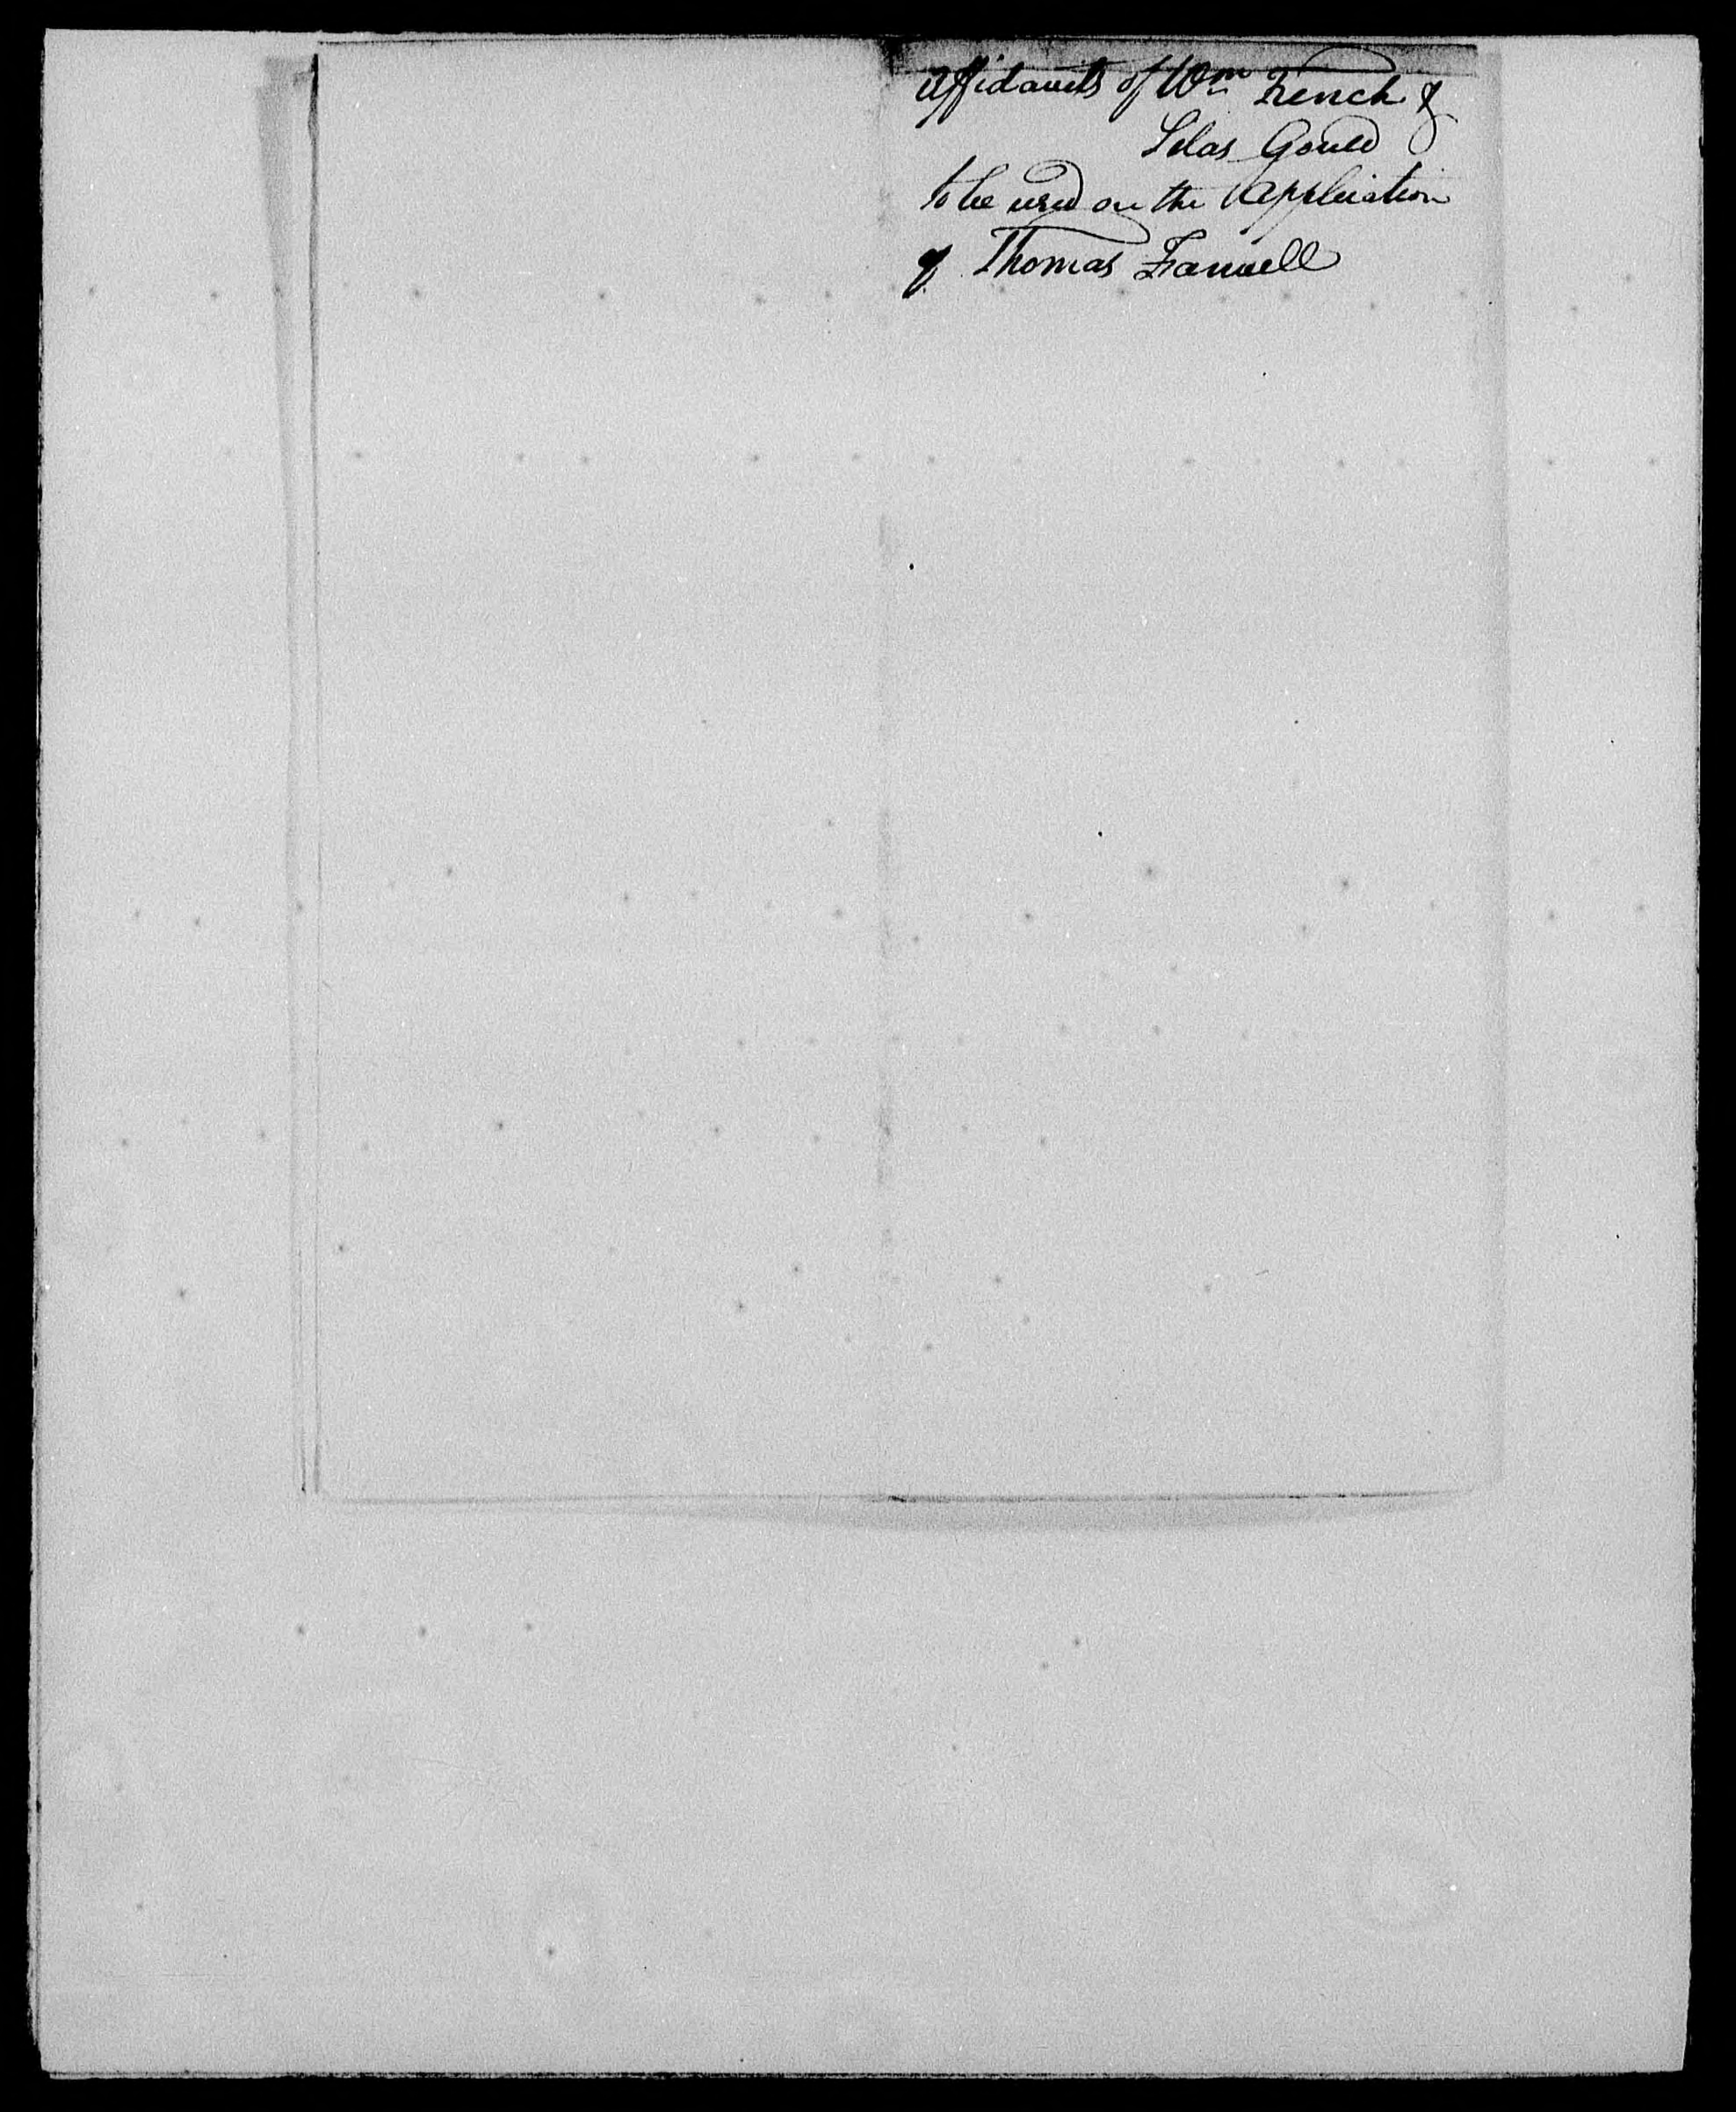Affidavits of War [illegible]
Silas Gould
To be used on the application of Thomas Farwell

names: Thomas Farwell, Silas Gould, Wm Fench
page: 14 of 18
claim: survivor's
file: S. 34,831, Thomas Farwell, Conn.